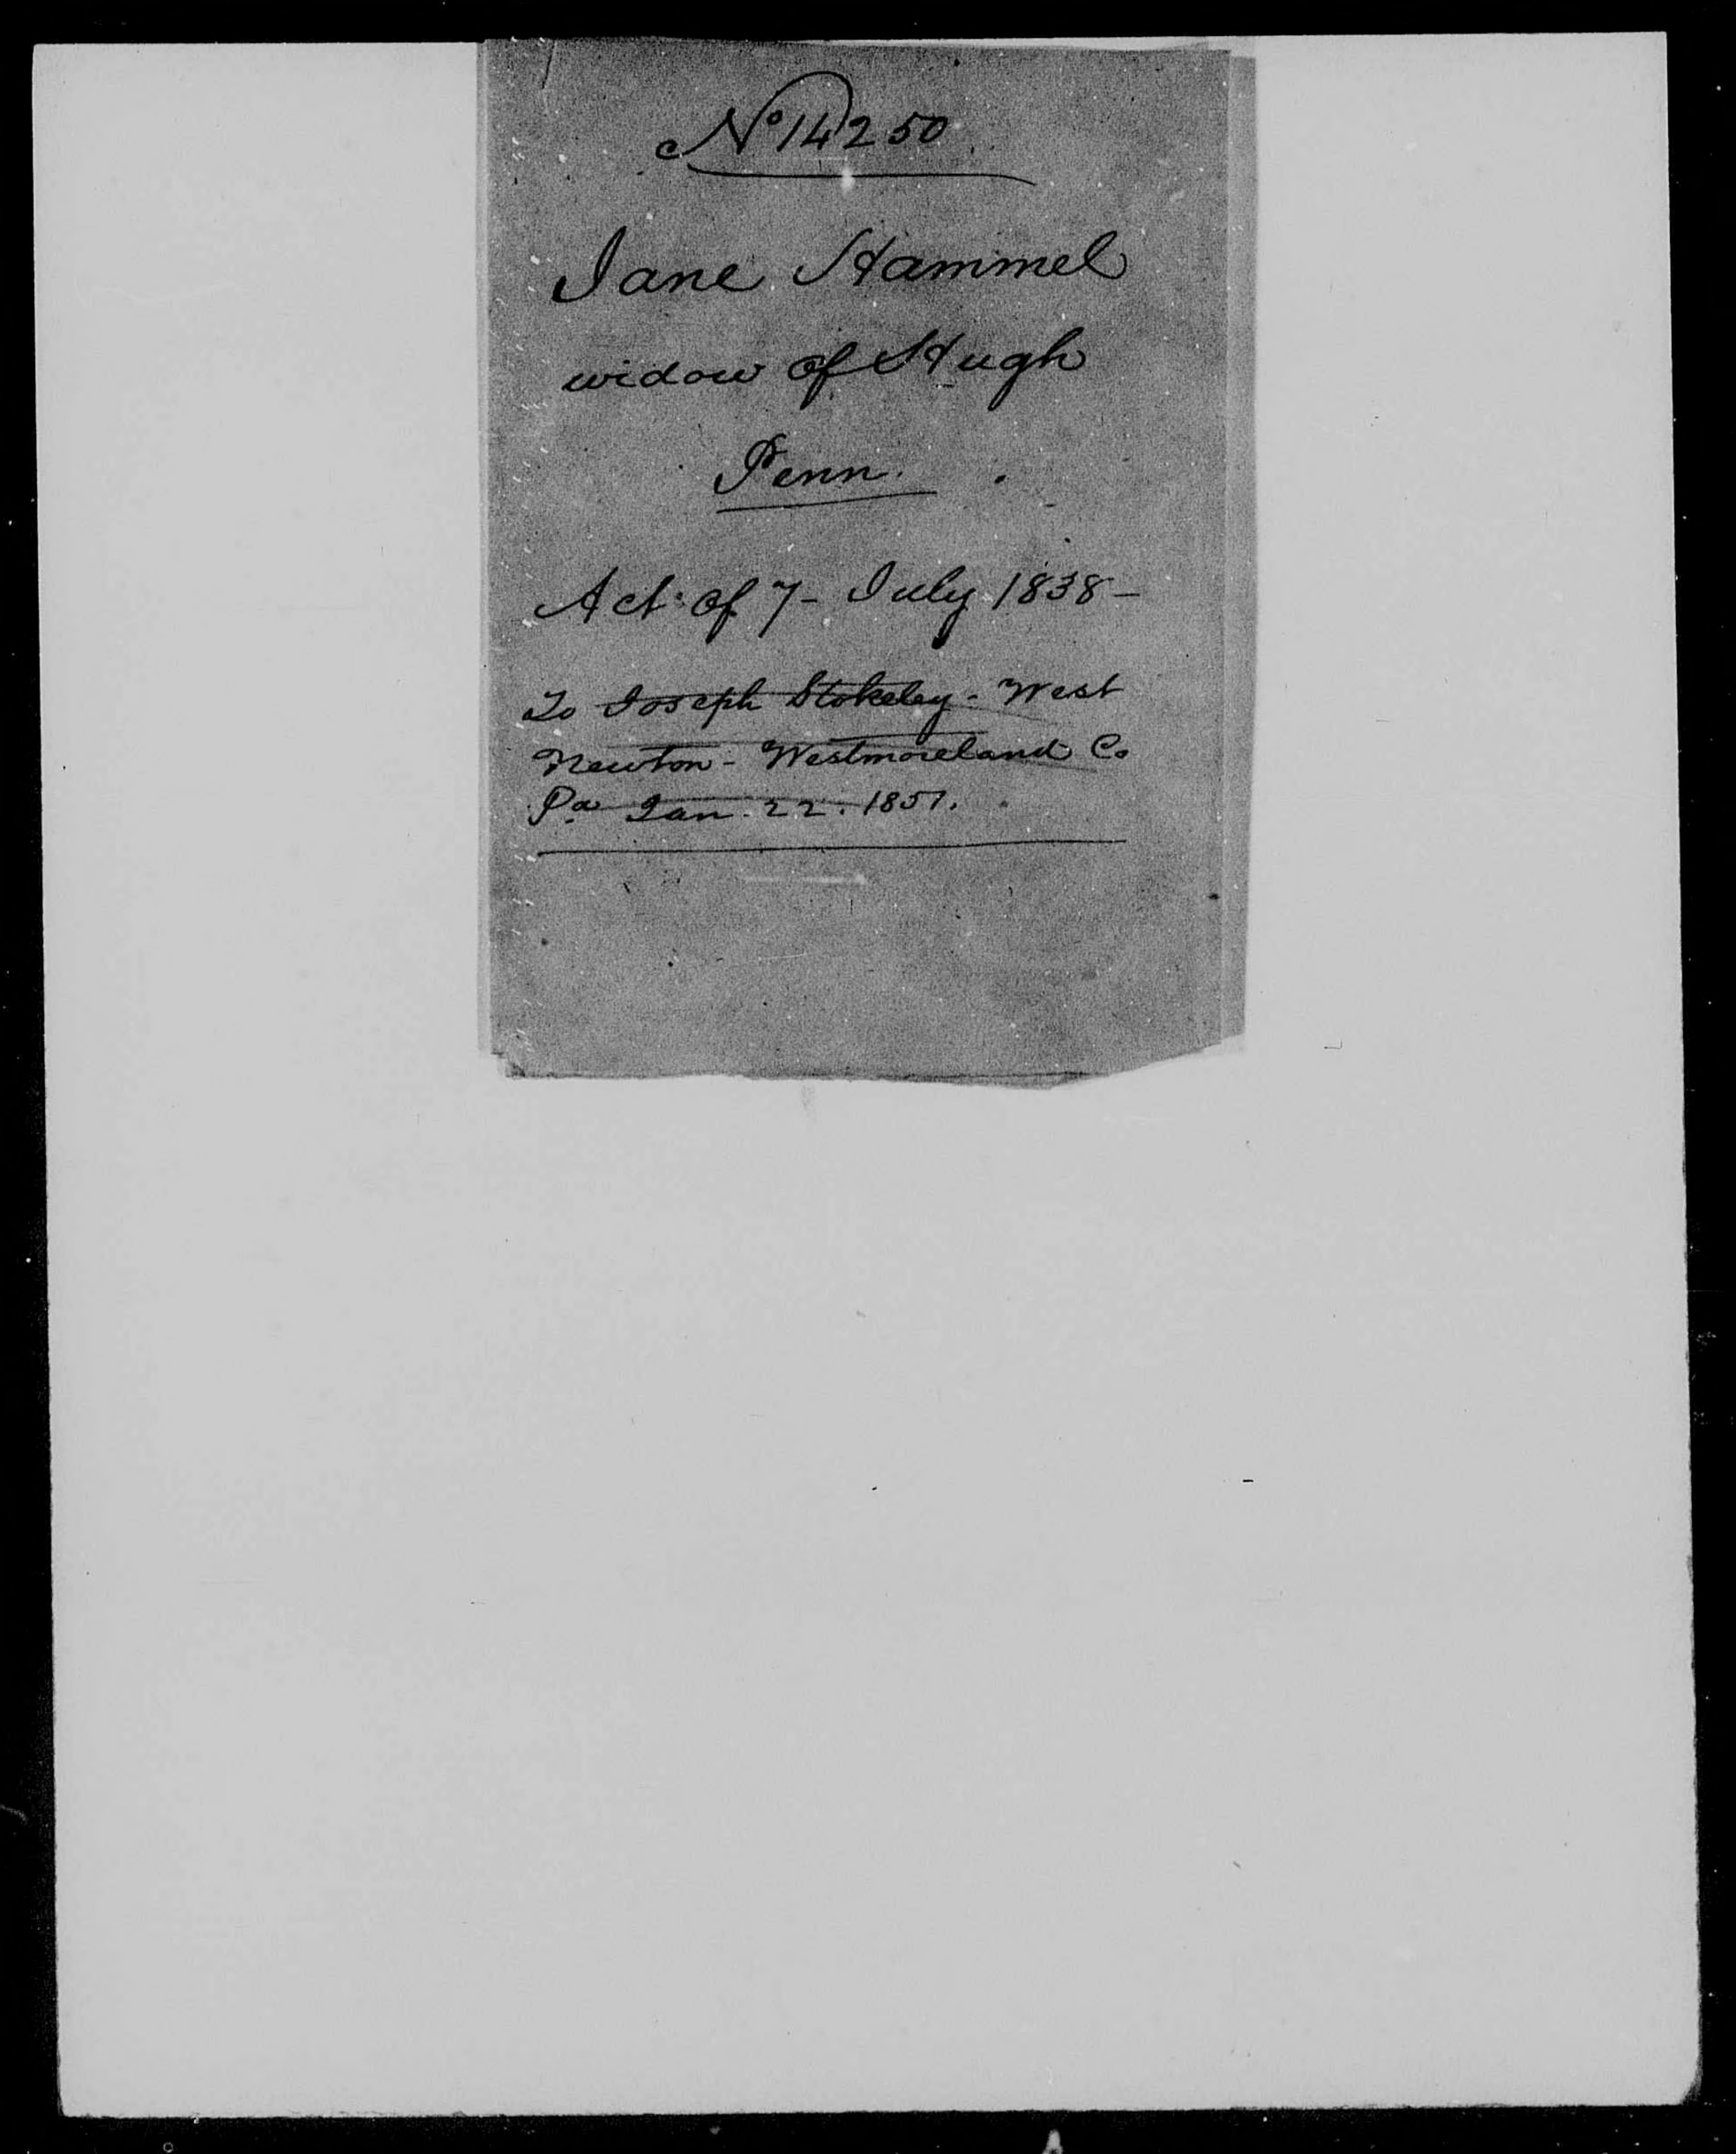N.14250

Jane Hammel
widow of Hugh
Penn
Act of 7 July 1838
To Joseph Stokeley West
Newton Westmoreland Co
Pa Jan 22, 1857.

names: Joseph Stokeley, Hugh Hammel, Jane Hammel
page: 87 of 92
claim: widow's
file: W 1173, Robert Hamill, Penn.